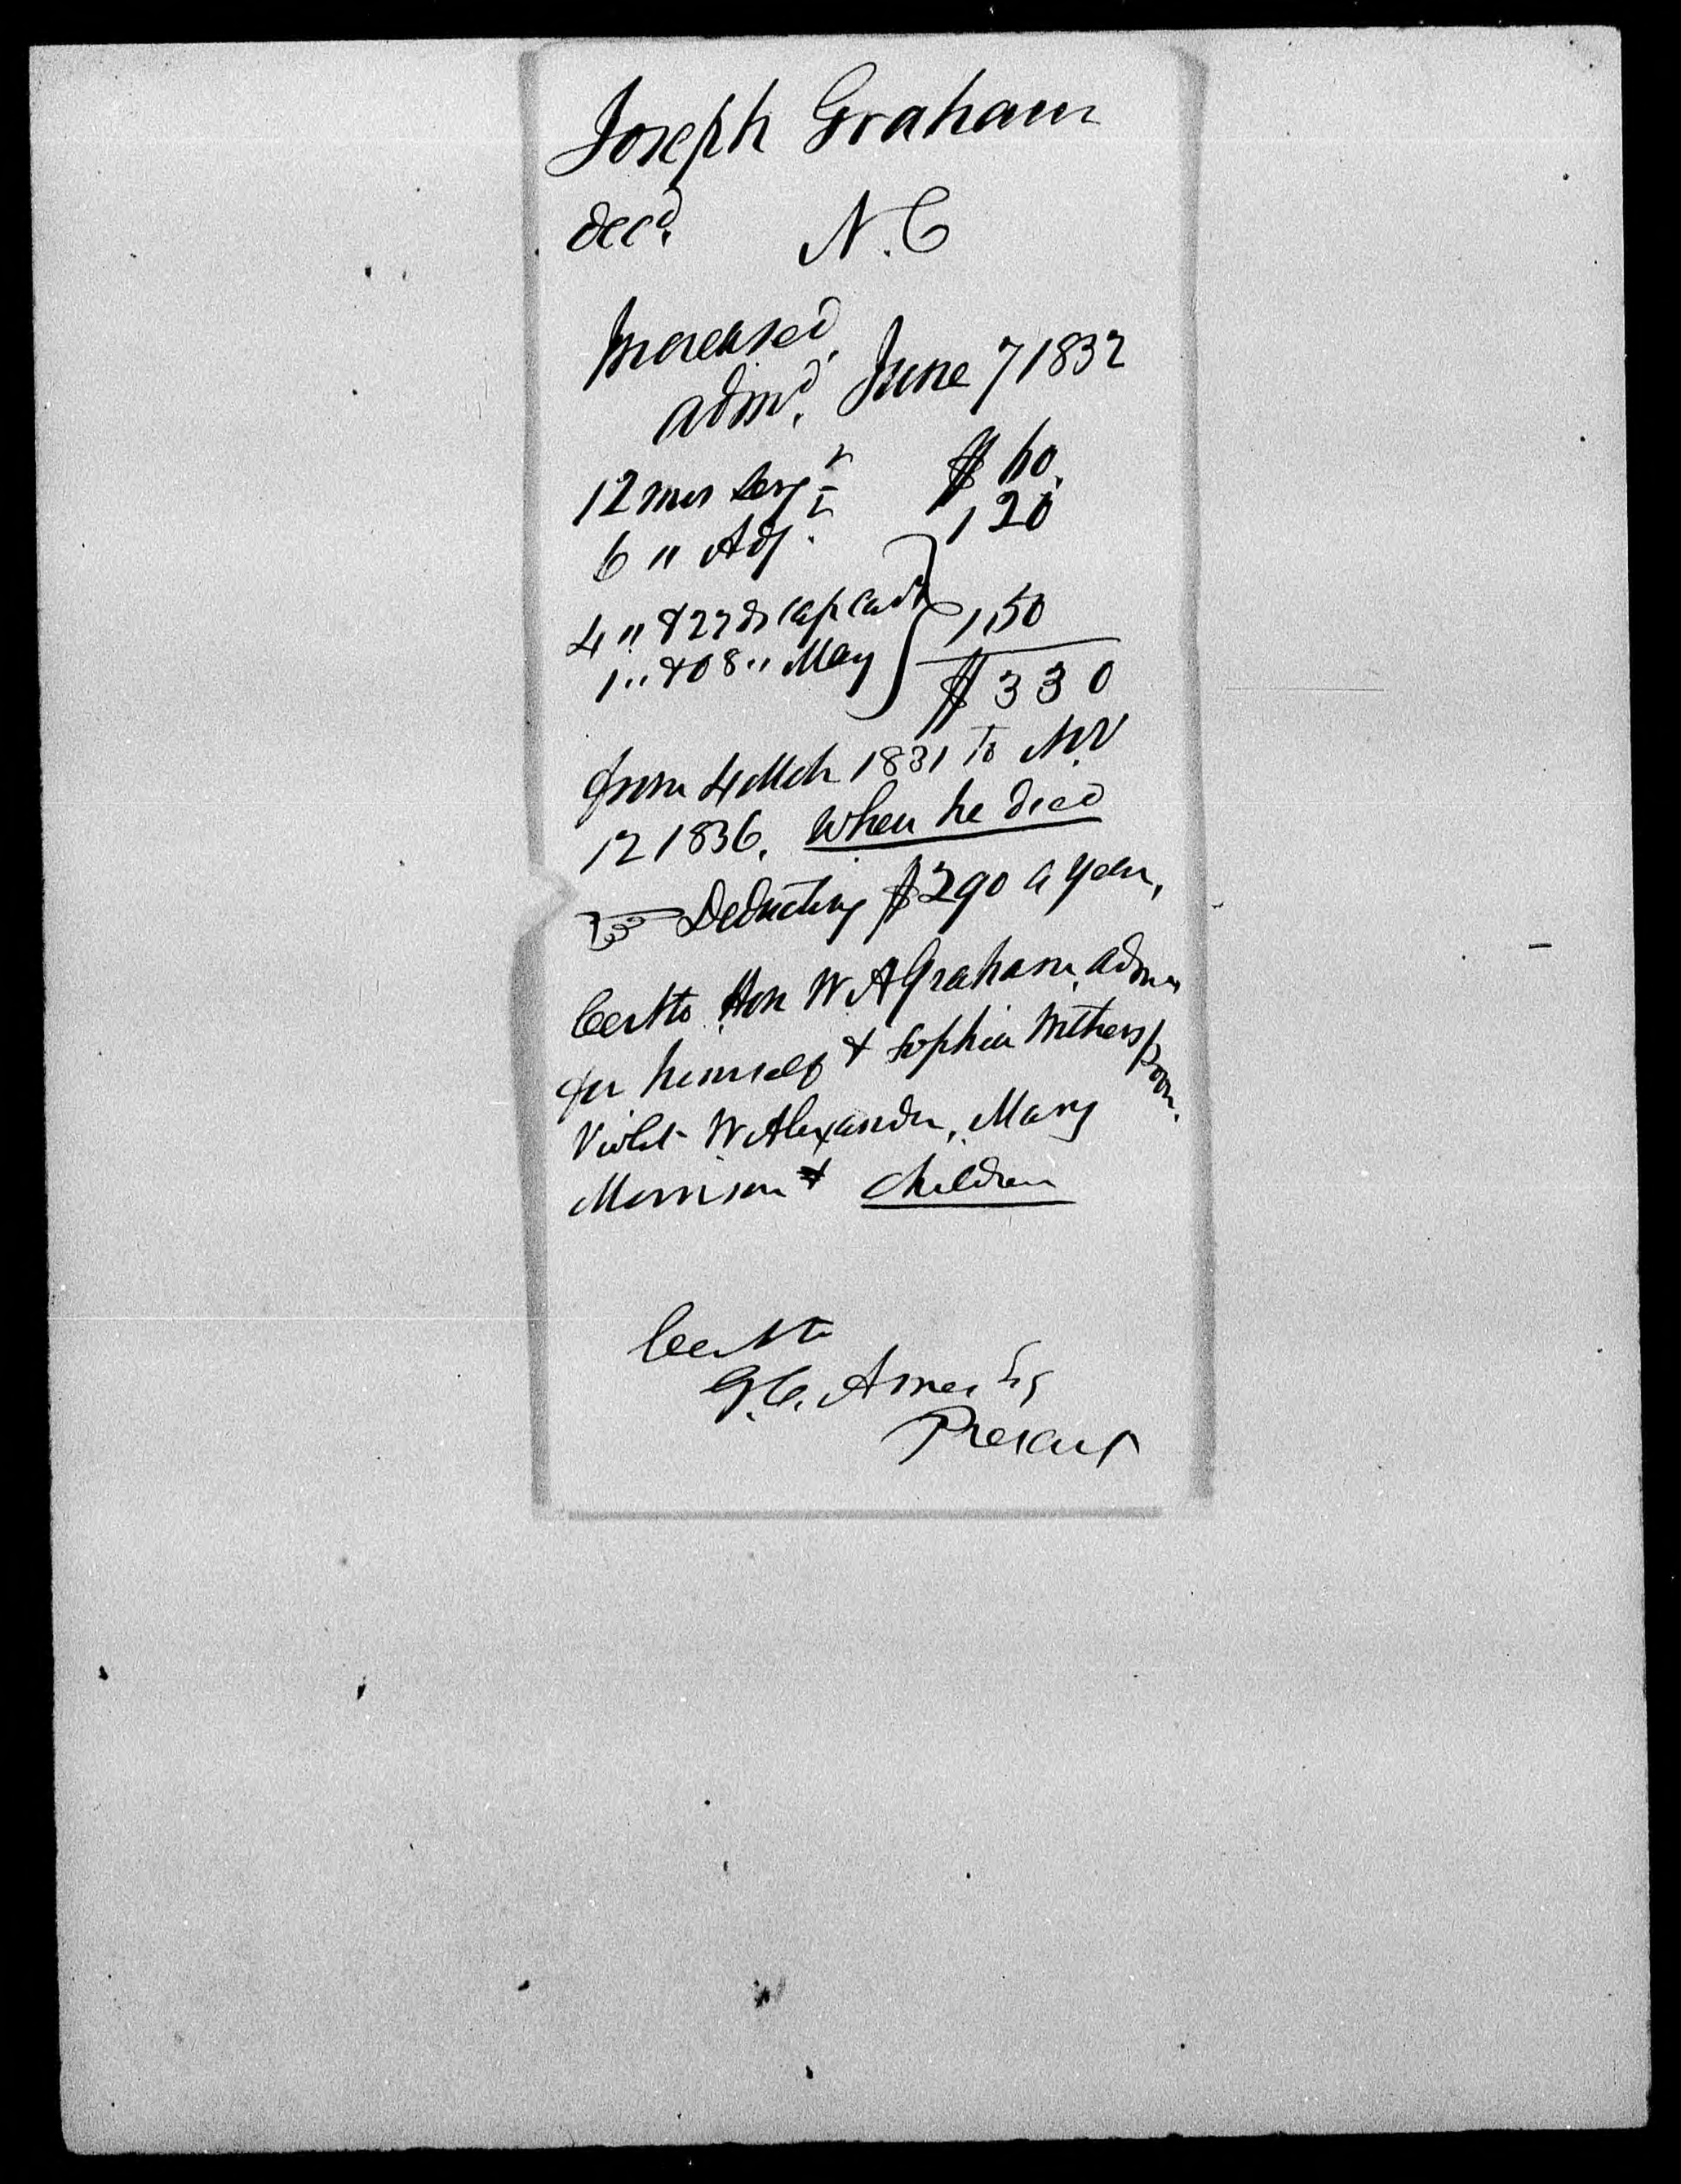Joseph Graham dec'd. 
N. C. 
Increased 
adm'd June 7 1832
12 mos. Serg't $60
6 mos Adj't $120
4mos $ 22days  Cap. Cav.'1mo & 8 days Maj. $150 =
$330

from 4 Mch 1831 to Nov. 12 1836, when he died.

Deducting $290 a year Cert to Hon. W. A. Graham adm'r. for himself & Sophia Witherspoon, Violet W. Alexander, Mary Morrison & children

Capt. G. C. Ames  Present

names: G C Ames, Joseph Graham, Sophia Witherspoon, Mary Morrison, Violet W Alexander, W A Graham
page: 39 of 55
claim: survivor's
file: S. 6,937, Joseph Graham, N.C.